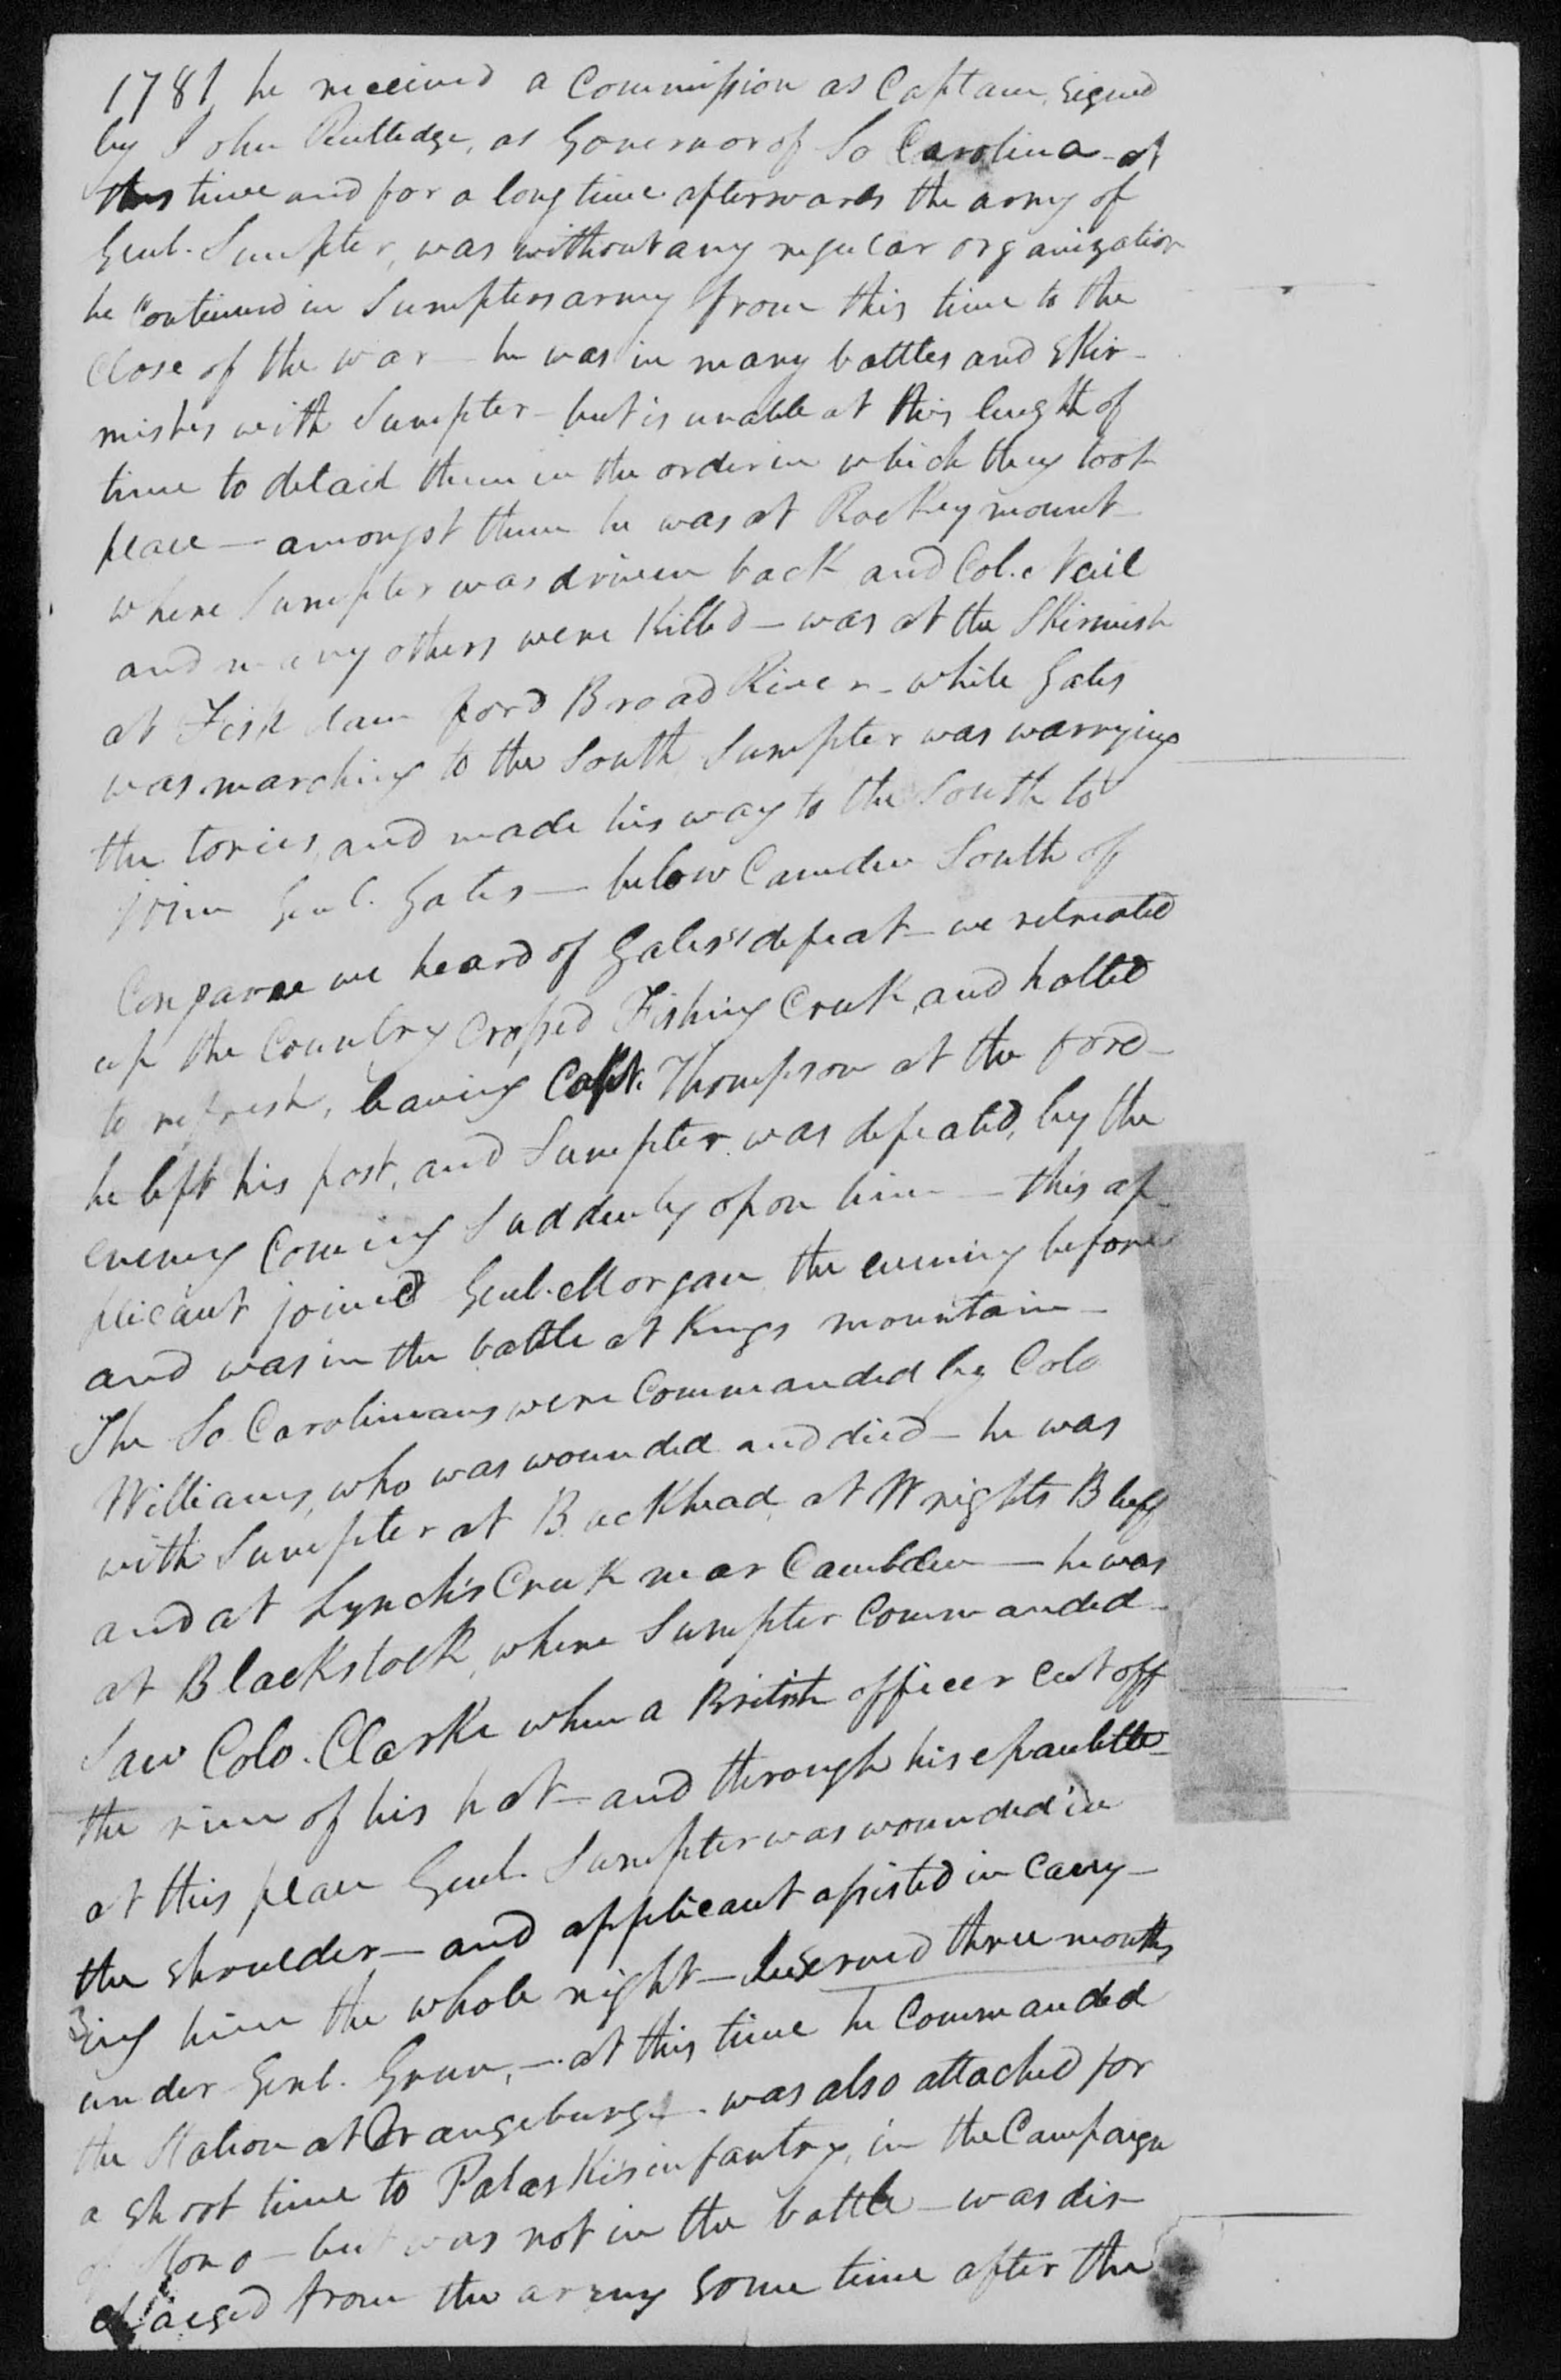1781 he received a commission as Captain signed by John Rutledge at Governor of So Carolina - at this time and for a long time afterwards the army of Genl. Sumpter was without any regular organization he continued in Sumptors army from this time to the close of the war - he was in many battles and skirmishes with Sumpter but is unable at this length of time to detail them in the order in which they took place - amongst them he was at Rockey Mount where Sumpter was driven back and Col. Vail and many others were killed - was at the skirmish at Fishdam ford Broad river - while Gates was marching to the South Sumpter was Worrying the tories and made his way to the South to join Genl. Gates - below Camden South of Congaree we heard of Gates defeat - we retreated up the country crossed Fishing Creek and halted to refresh, having Capt. Thompson at the fore - he left his post and Sumpter was defeated, by the enemy coming sudden upon him - this applicant joined Genl. Morgan the evening before an was in the battle of King's Mountain - The So Carolinians were commanded by Colo. Williams, who was wounded and died - he was with Sumpter at Buckhead at Wrights Bluff and at Lynch's Creek near Camden - he was at Blackstock where Sumpter commanded. Saw Colo. Clark when a British officer cut off the rim of his hat - and through his epaulette at this place Genl. Sumpter was wounded in the shoulder - and applicant assisted in carrying him the whole night - he served three months under Genl. Green - at this time he commanded the nation at Orangeburg - was also attached for a short time to (illegible) infantry in the Campaign of (illegible) but was not in the battle - was discharged from the army some time after the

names: Sumpter, Gates, Sumpter, Green, Williams, Thompson, Sumpter, Morgan, Sumpter, John Rutledge, Gates, Clarke, Gates, Vail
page: 4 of 40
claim: rejected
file: R. 4,869, John Henderson, S.C.